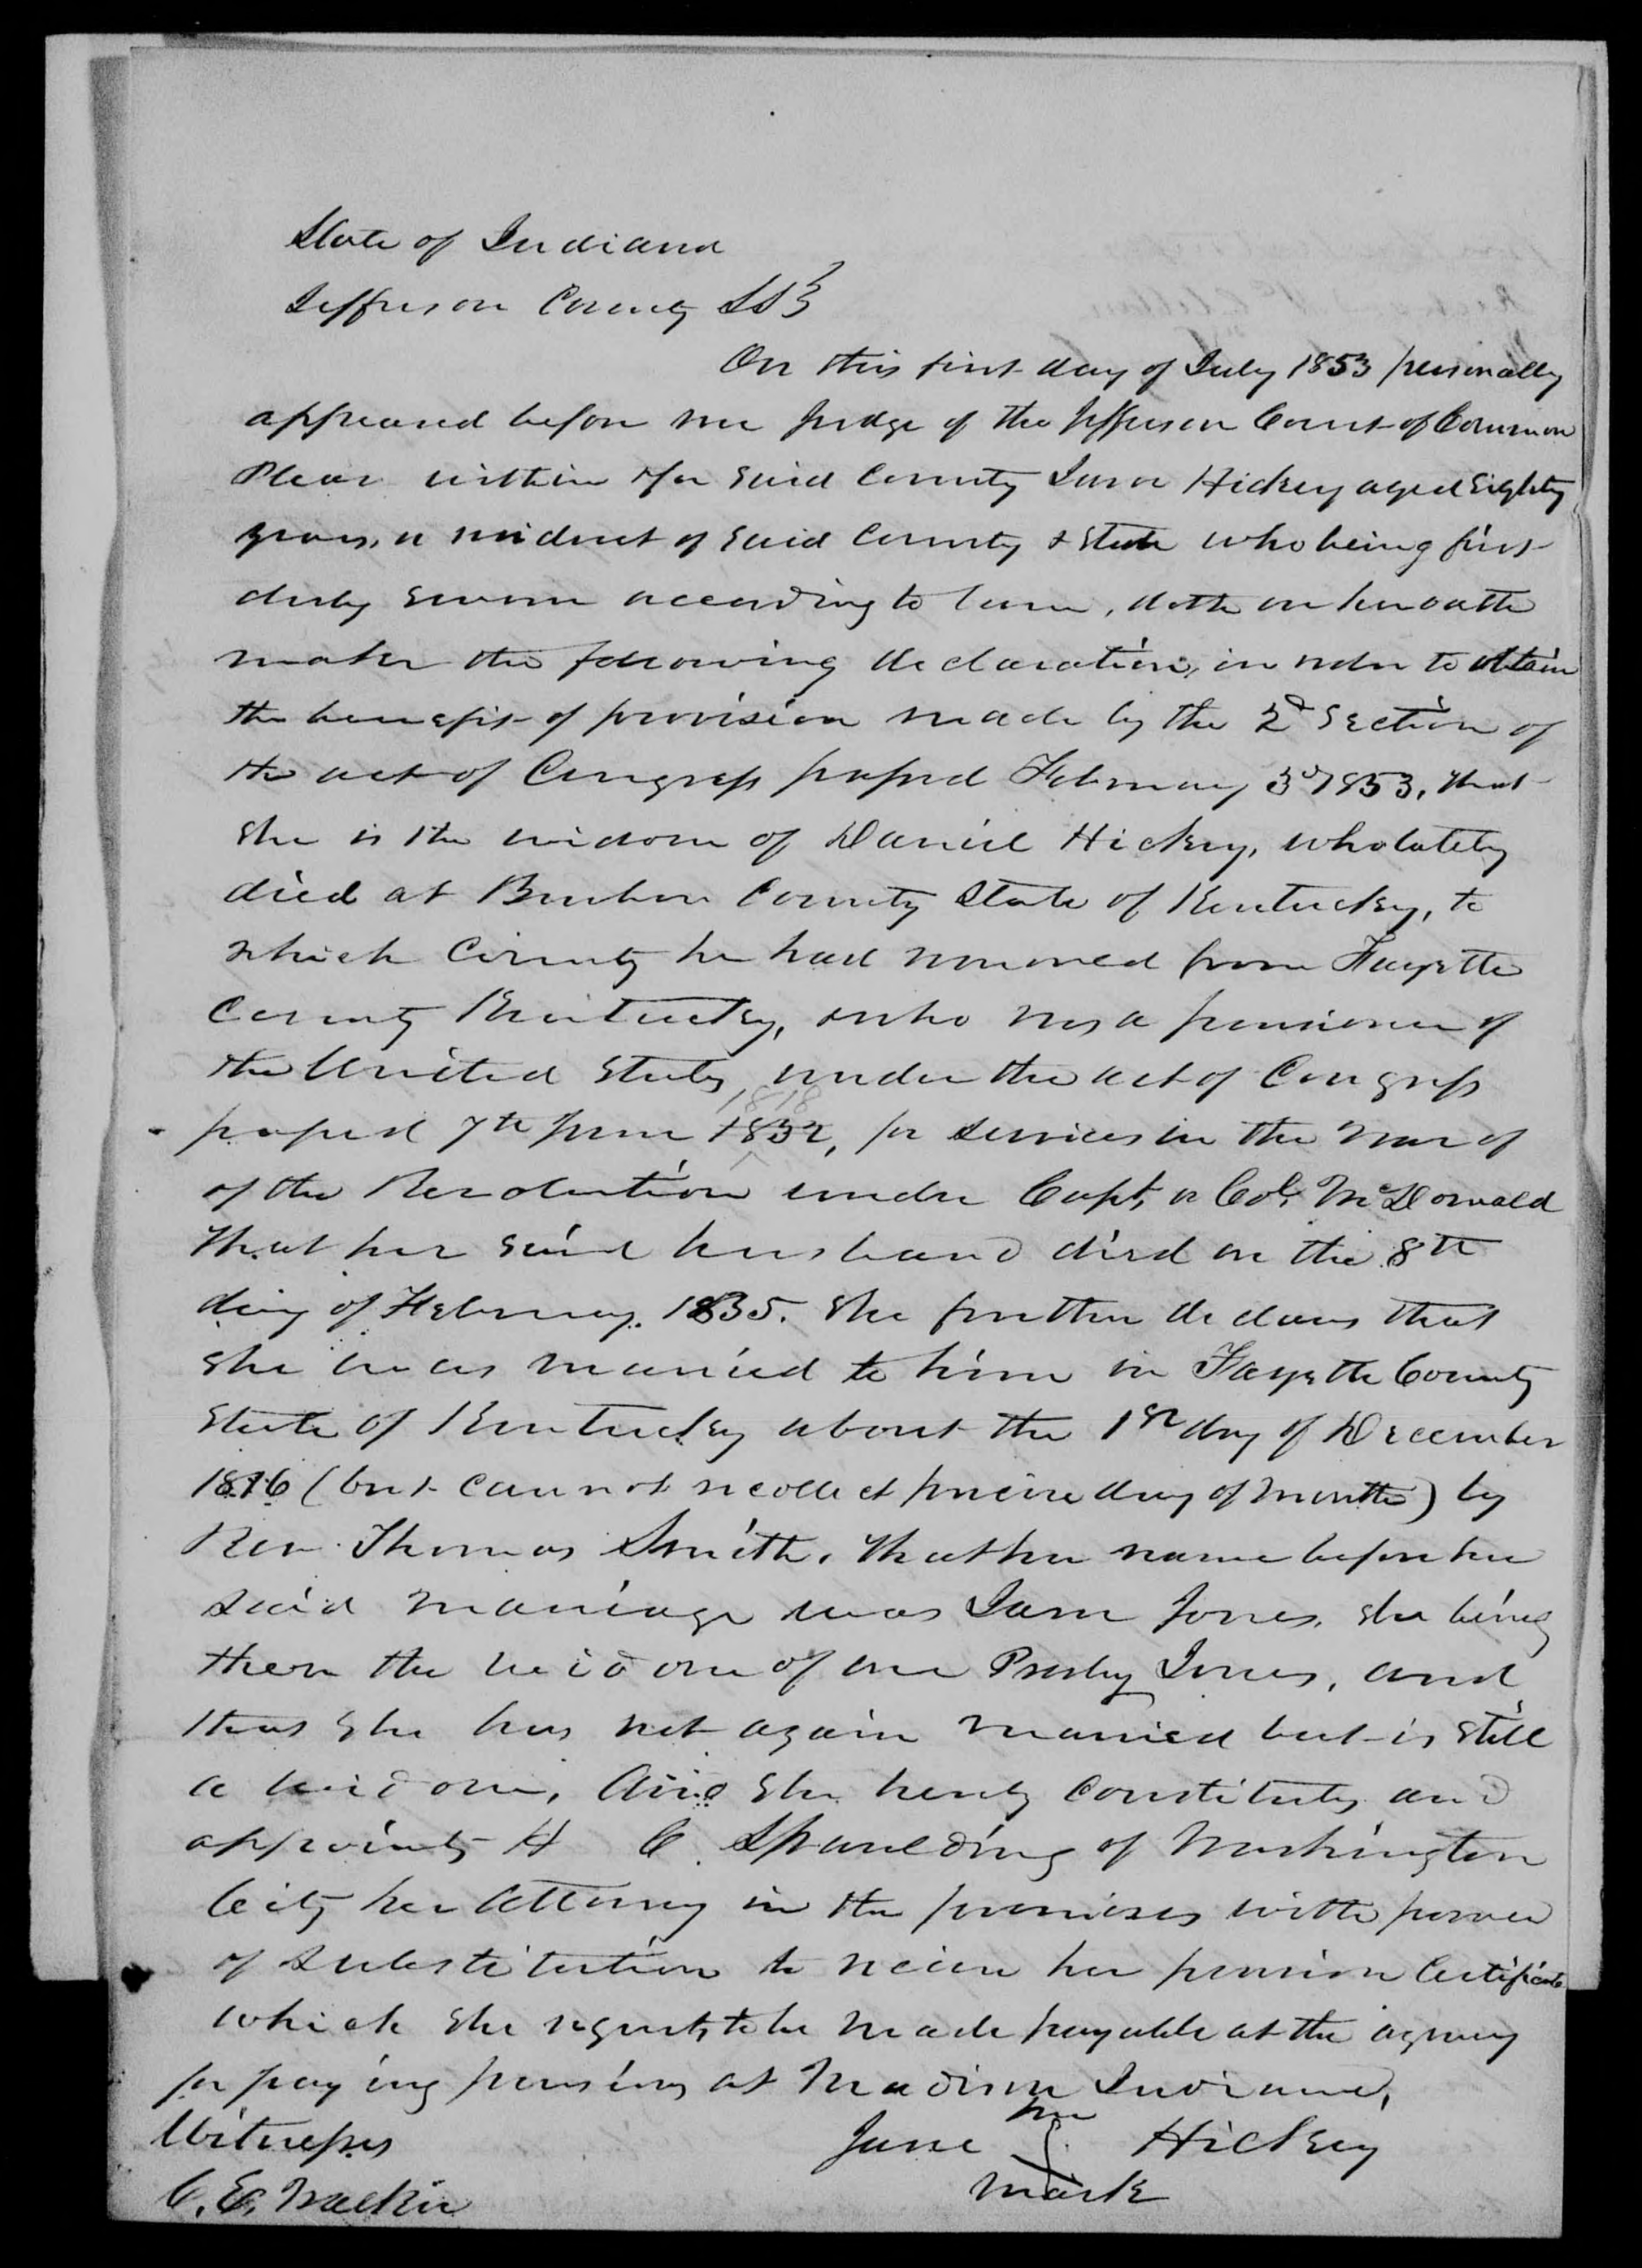State of Indiana
Jefferson County SS
On this first day of July 1853 personally
appeared before me Judge of the Jefferson Court of Common Pleas within for said County Jane Hickey aged Eighty years, a resident of said County & State who being first duly sworn according to law, doth on her oath make the following declaration, in order to obtain
the benefit of provision made by the 2d section of the act of Congress passed February 3d 1853, that she is the widow of Daniel Hickey, who lately died at Bourbon County State of Kentucky, to which county he had removed from Fayette County Kentucky, who was a pensioner of the United States, under the act of Congress passed 7th June 1832 ^1818, for services in the war of of the Revolution under Capt or Col McDonald
That her said husband died on the 8th
day of February 1835. She further declares that
she was married to him in Fayette County
State of Kentucky about the 1st day of December 1816 (but cannot recollect precise day of month) by Rev. Thomas Smith, that her name before her said marriage was Jane Jones, she being then the widow of one Presley Jones, and that she has not again married but is still a widow, And she hereby constitutes and
appoints H C. Spaulding of Washington
City her attorney in the premises with power
of Substitution to receive her pension certificate which the requests to be made payable at the agency for paying pension at Madison Indiana,
Witnesses
C. E. Walker
Jane Hickey X her mark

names: Jane Jones, Jane Hickey, H C Spaulding, Mc Donald, C E Walker, Presley Jones, Thomas Smith, Jane Hickey, Daniel Hickey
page: 37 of 84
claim: widow's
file: W. 7744, Daniel Hickey, Penn.